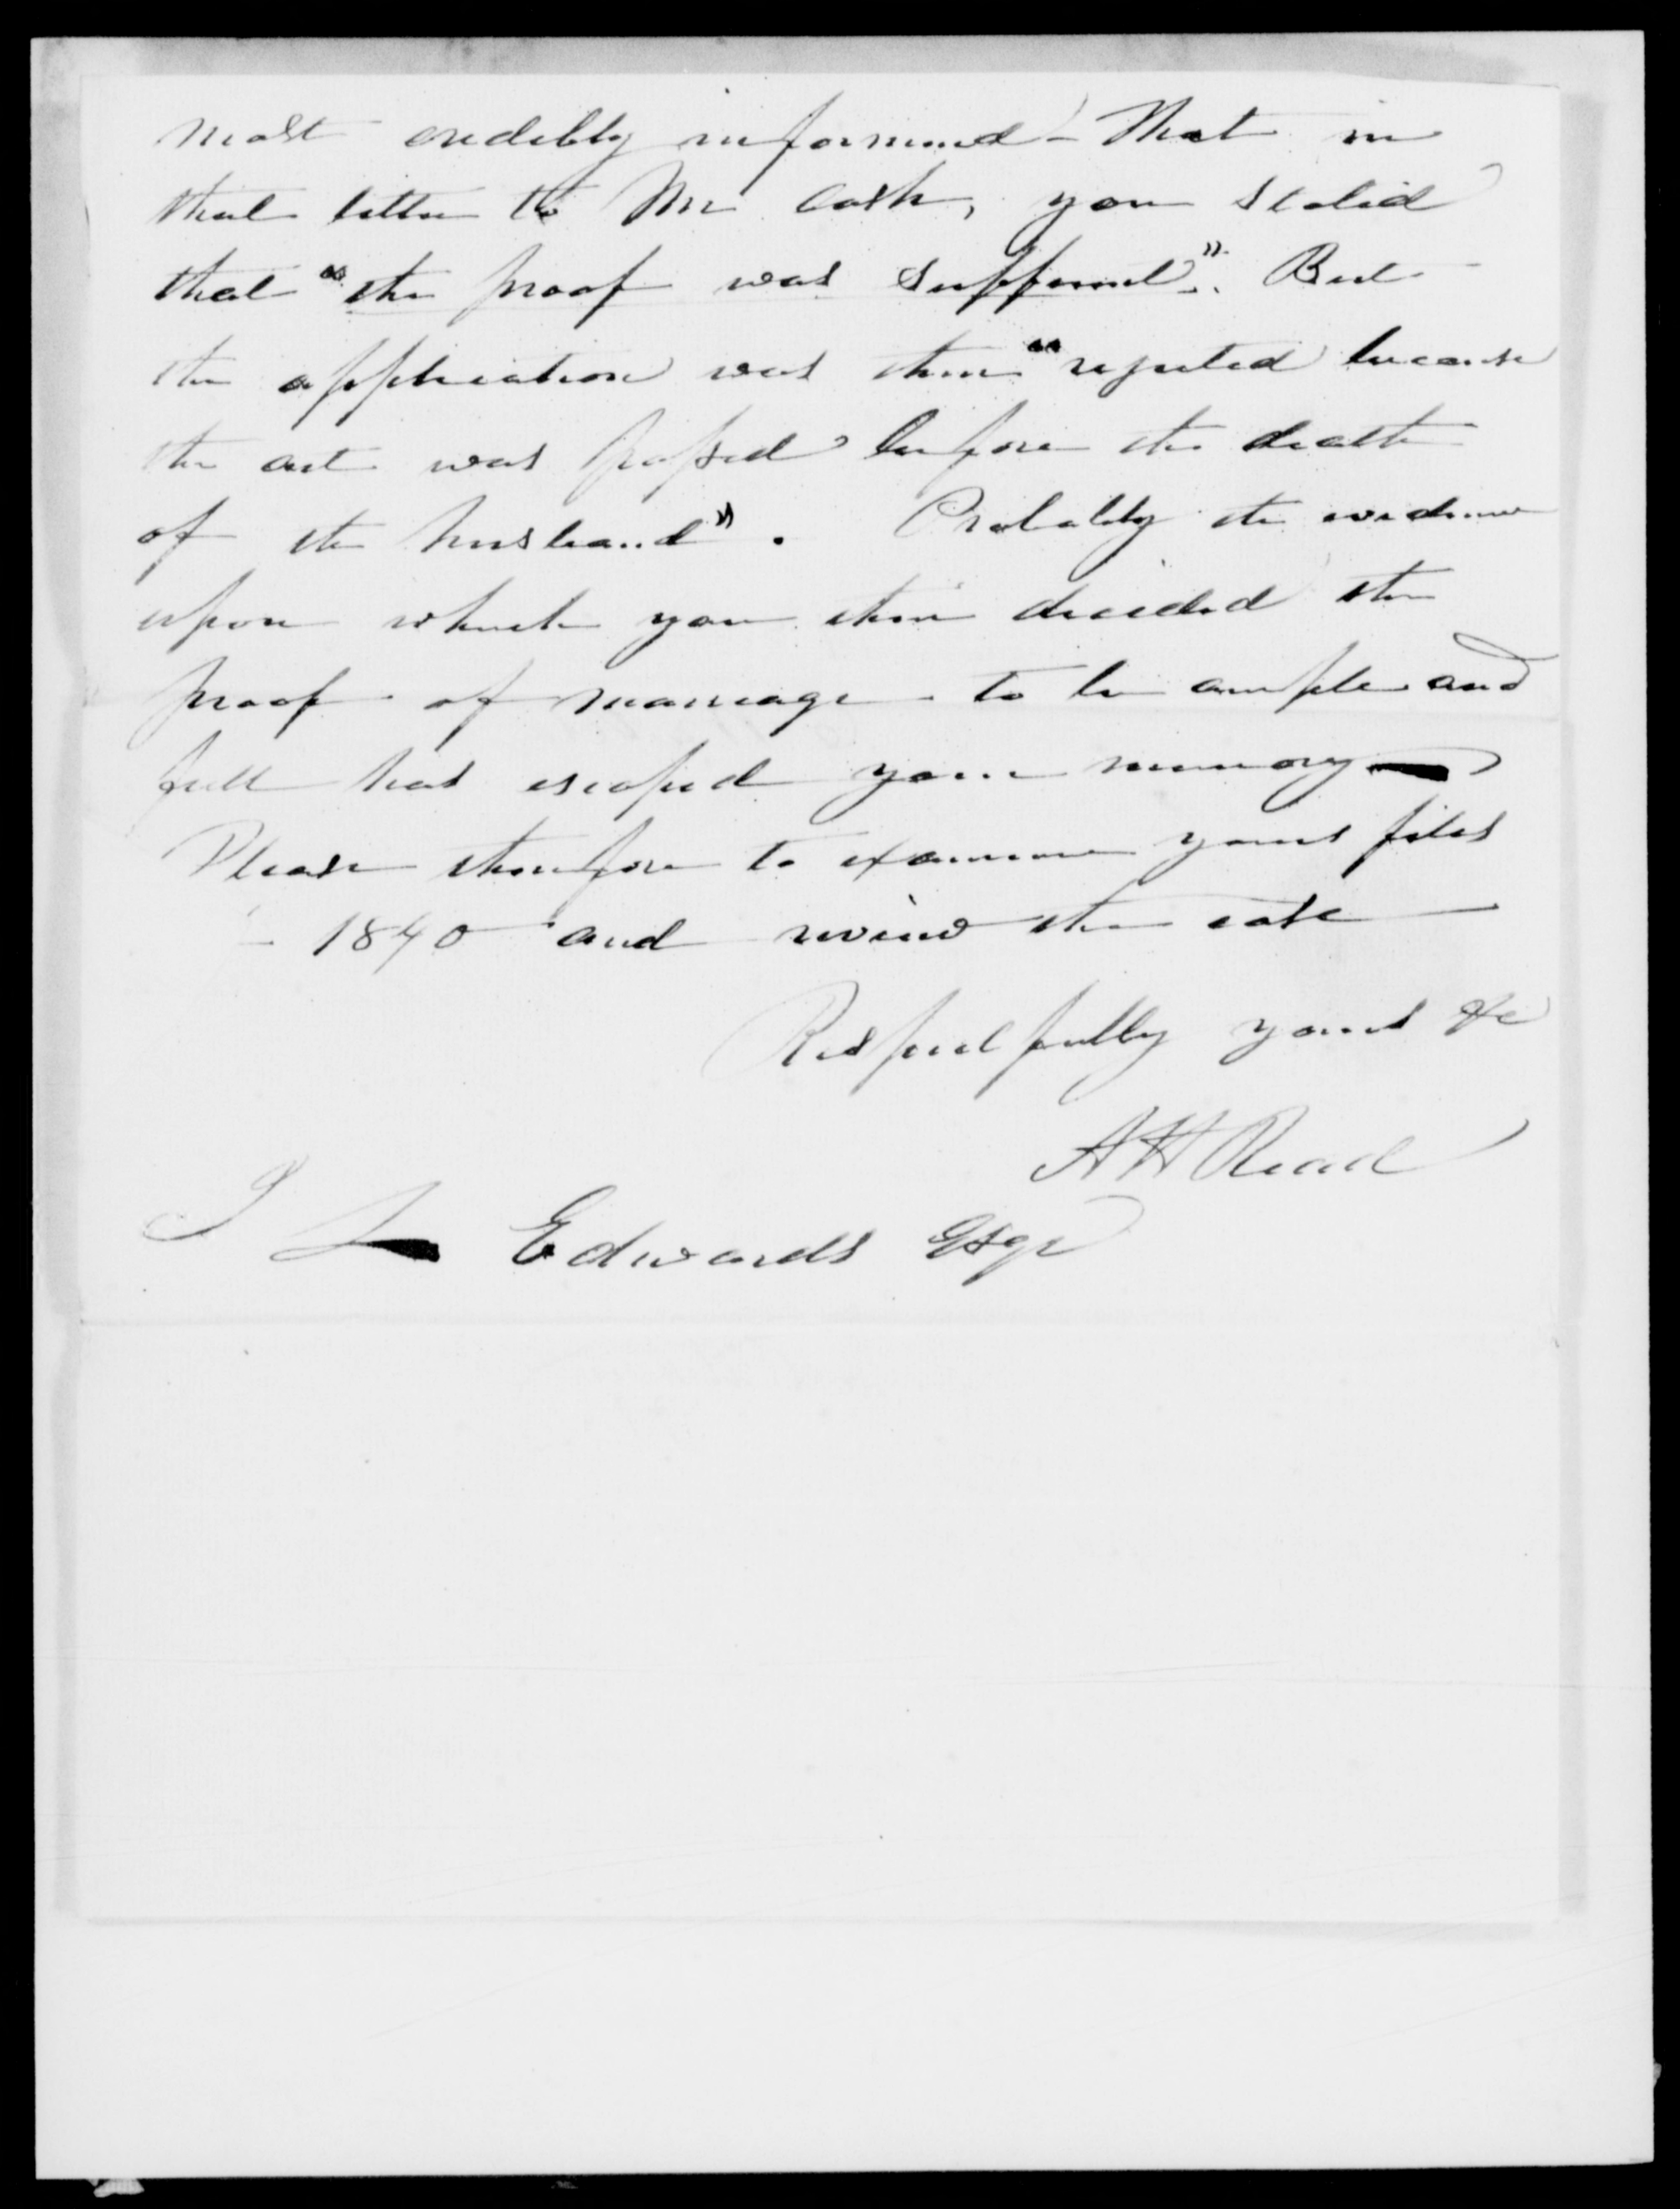most credibly informed- That in that letter to Mr Cash, you stated that "the proof was sufficient." But the application was then "rejected because
the act was passed before the death of the husband". Probably the evidence upon which you then decided the proof of marriage to be ample and full had escaped your memory.
Please therefore to examine your files 1840 and revise the case
Respectfully yours &c
A H Read
J L Edwards Esqr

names: J L Edwards, A H Read, Cash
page: 35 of 70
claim: widow's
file: W. 3743, Dan Wattles, Conn.